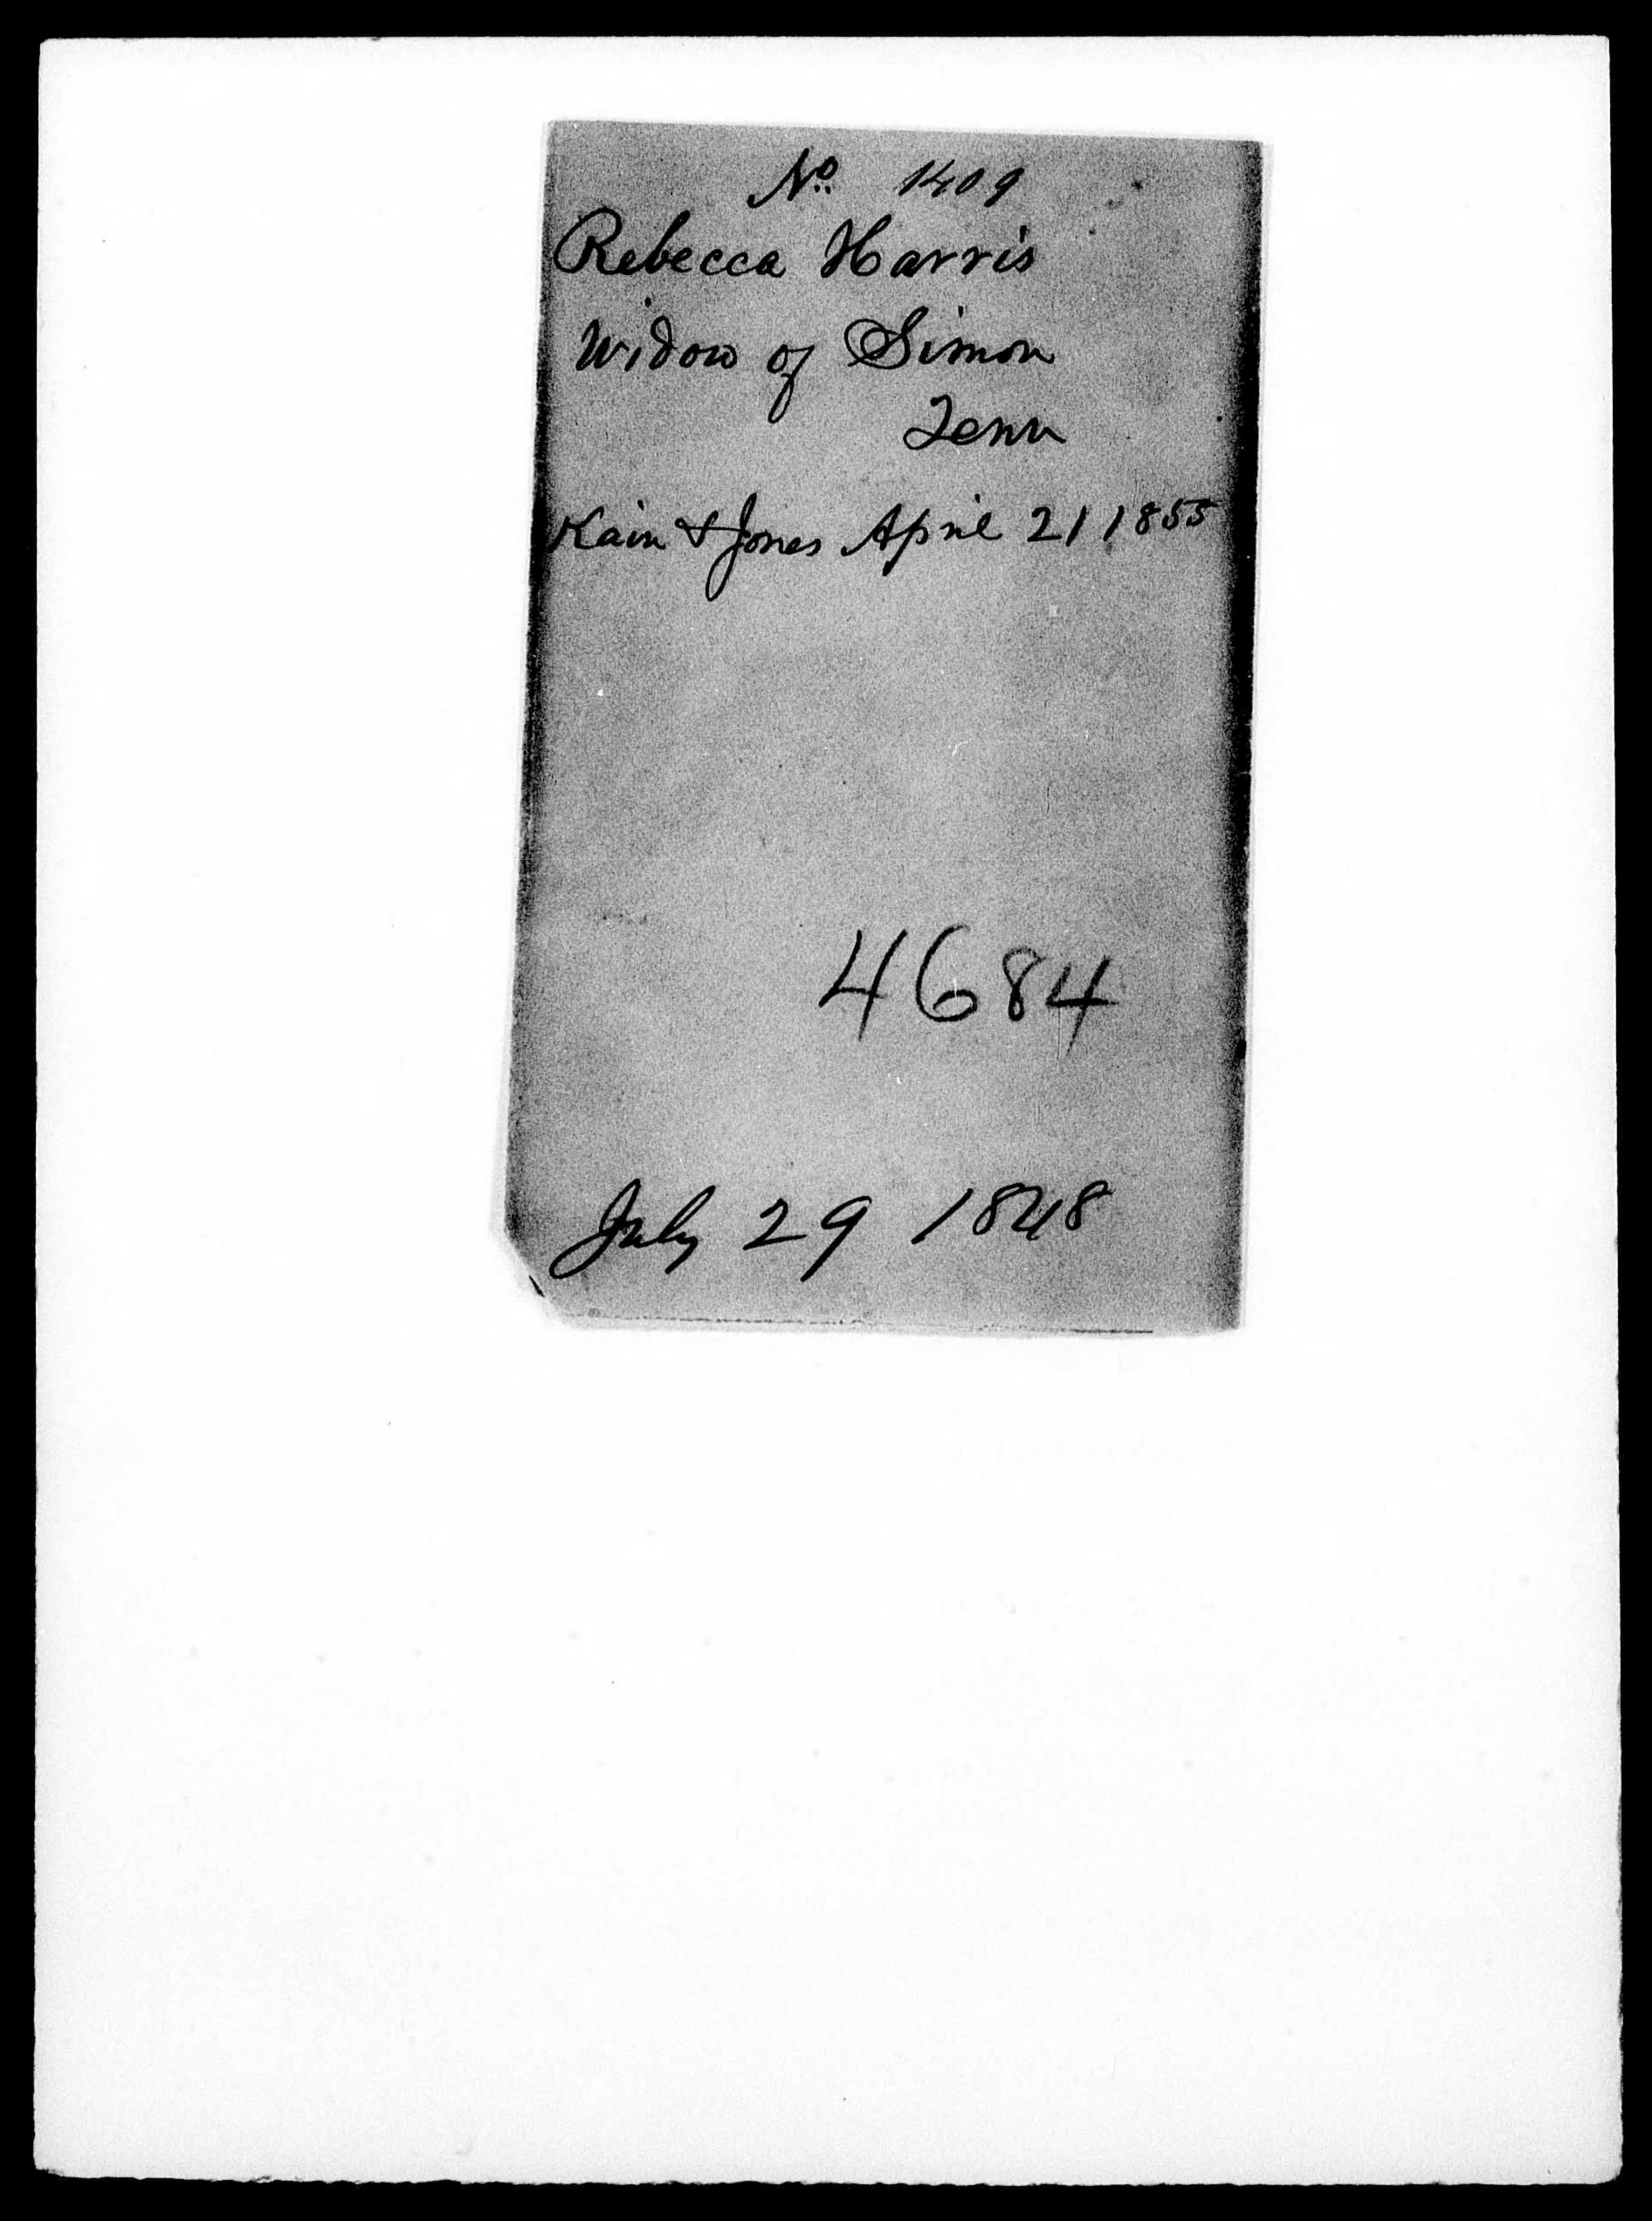No. 1409
Rebecca Harris
Widow of Simon
Tenn
Kain & Jones April 21, 1855

4684

July 29, 1848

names: Kain, Simon Harris, Jones, Rebecca Harris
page: 12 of 24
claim: rejected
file: R. 4684, Simon Harris, Va.